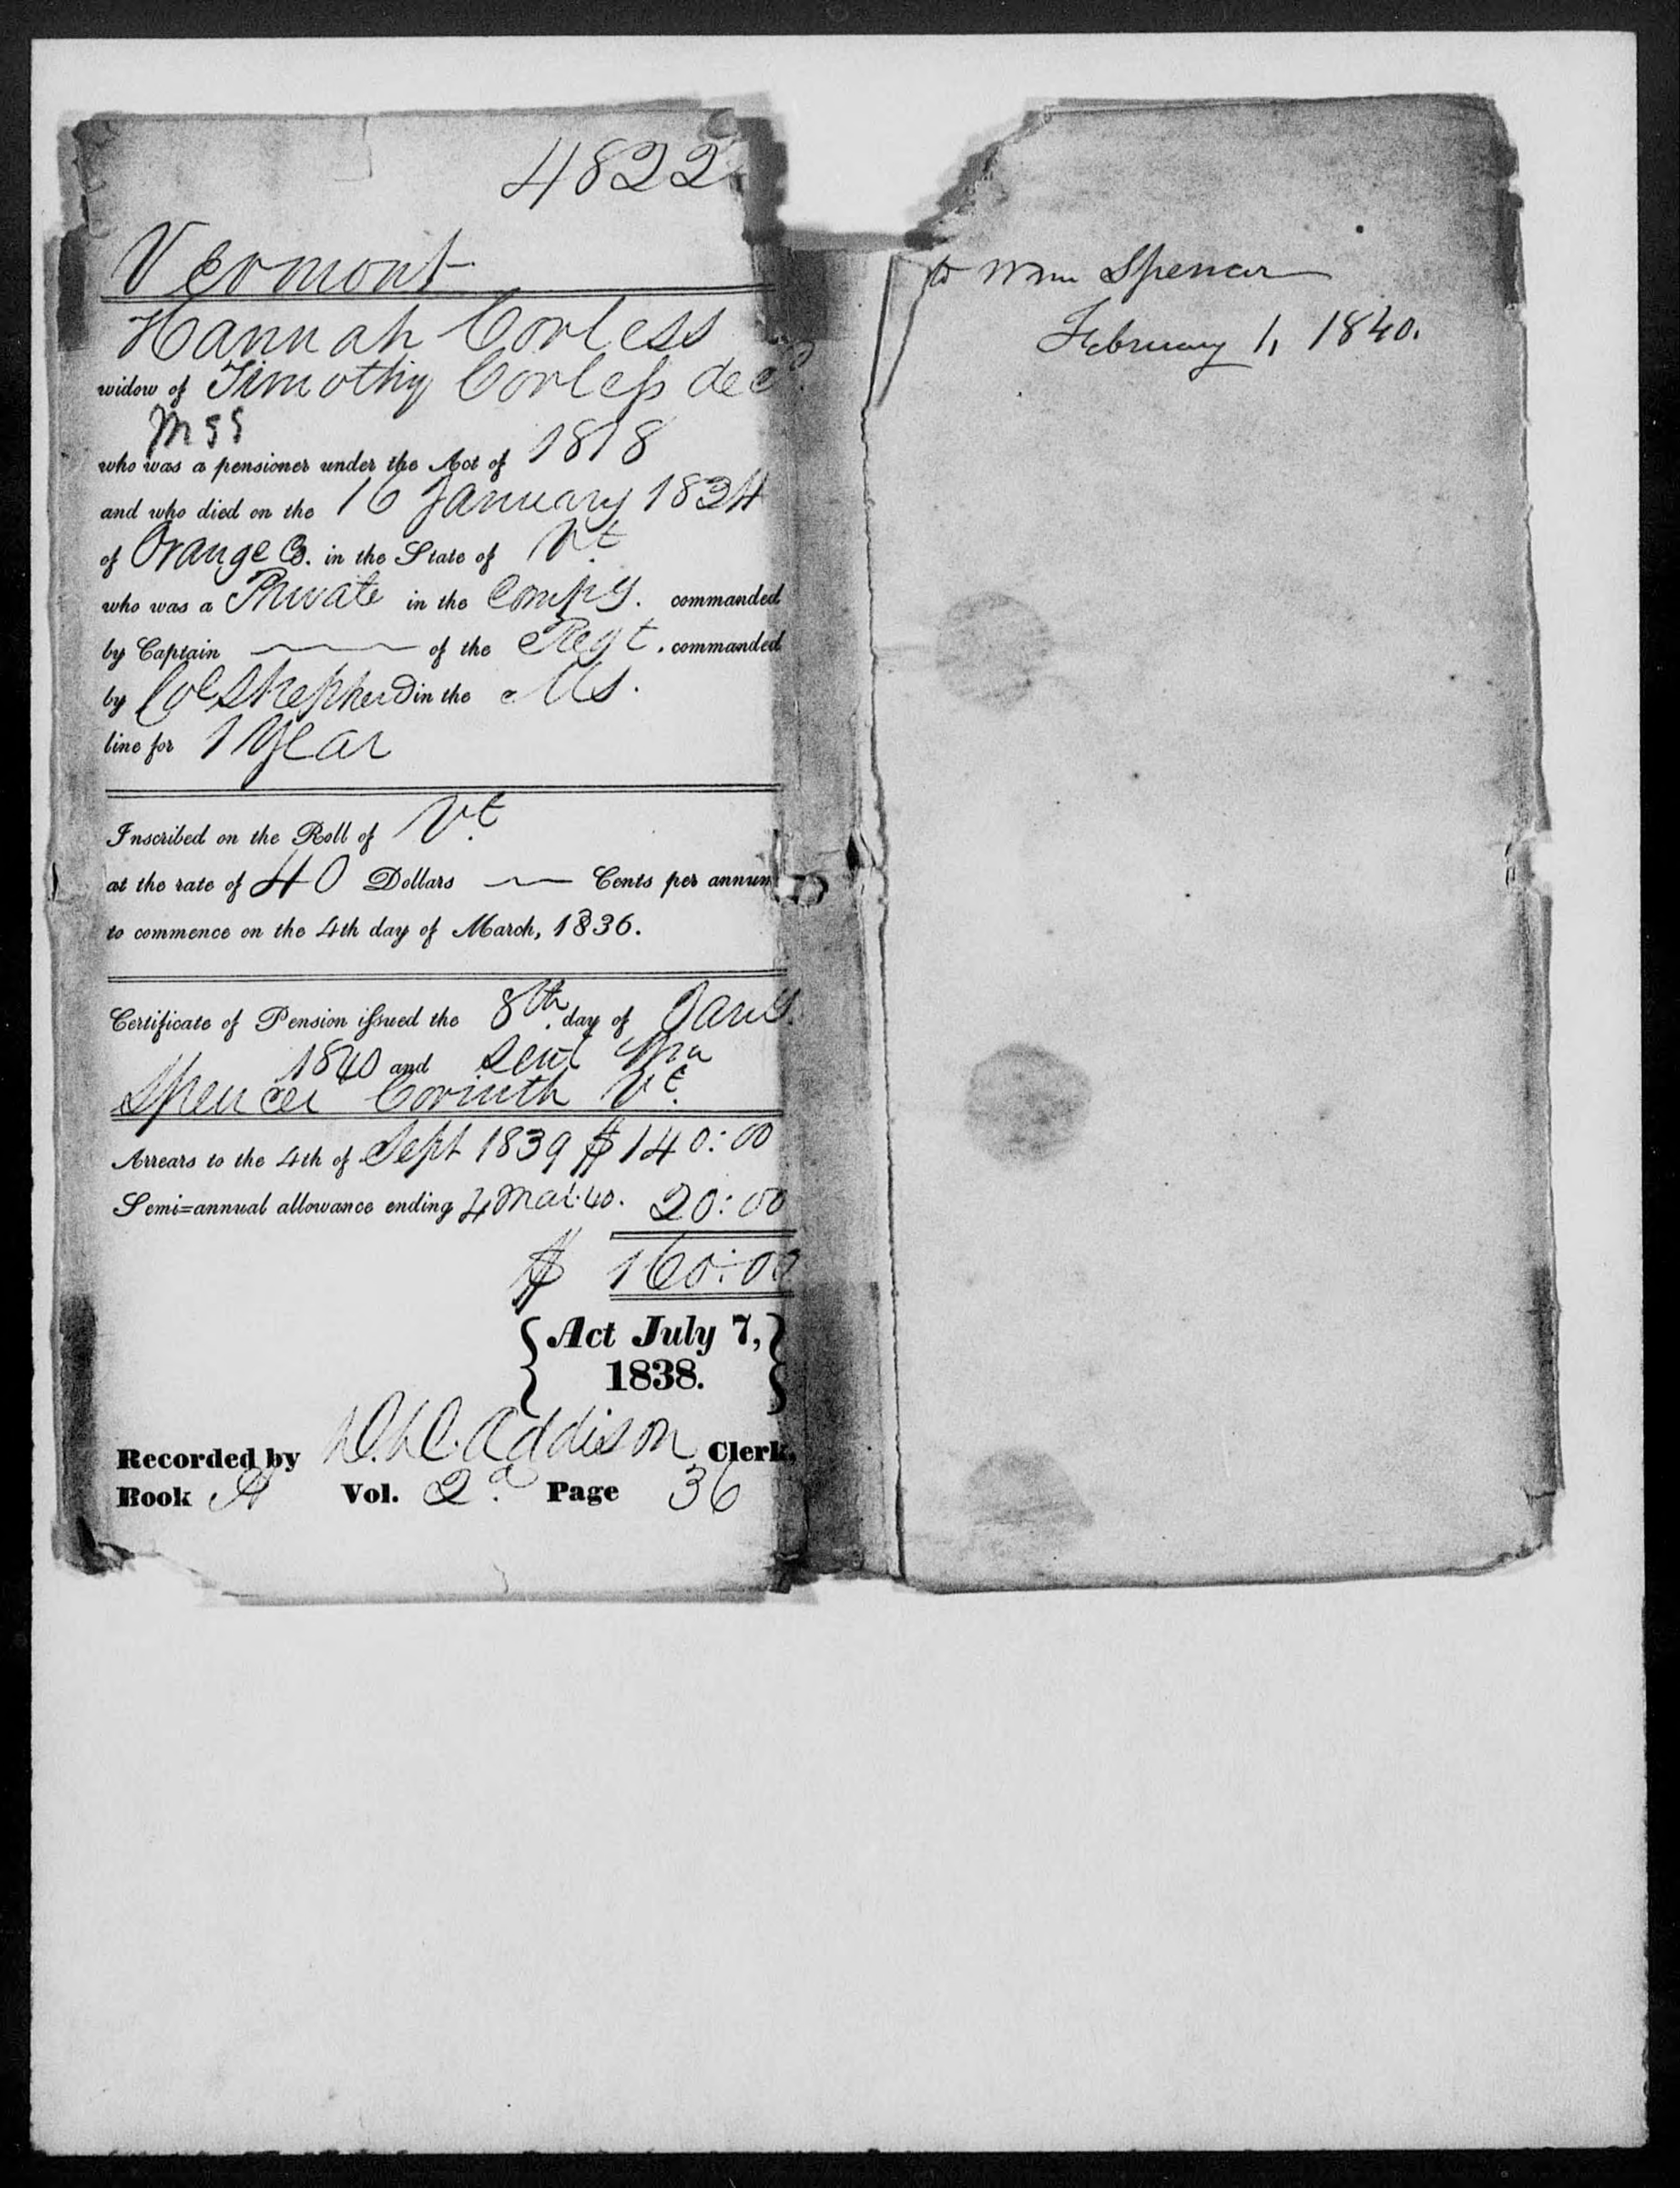[upper right hand corner] 4822 VE
Vermont [underline] Hannah Corliss widow of Timothy Corliss dec[deceased] MSS who was a pensioner under the Act of 1818 and who died on the 16 January 18[??] of Orange Co.[County] in the state of Vt[Vermont] who was a private in the company commanded by Captain [no name written] of the Regt.[Regiment] commanded by Colonel Sheppard in the Ms[Massachusetts] line for 1 year[underline] Inscribed on the Roll of Vt[Vermont] at the rate of 40. Dollars [scribble] Cents per annum to commence on the 4th day of March, 1836. [underline] Certificate issued the 8th day of Jany[January] 1840 and sent [illegible] Spencer Corinth Vt.[Vermont] Arrears to the 4th of Sept[September] 1839 $140.00 Semi annual allowance ending May 40 20.00[total sum of both amounts number cut off from view] [Cover] title to William Spencer February 1, 1840.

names: Hannah Corless, Shepperd, Wm Spencer, Wm Spencer, D D Addison, Timothy Corless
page: 3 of 34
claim: widow's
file: W. 20,896, Timothy Corless, Continental Mass